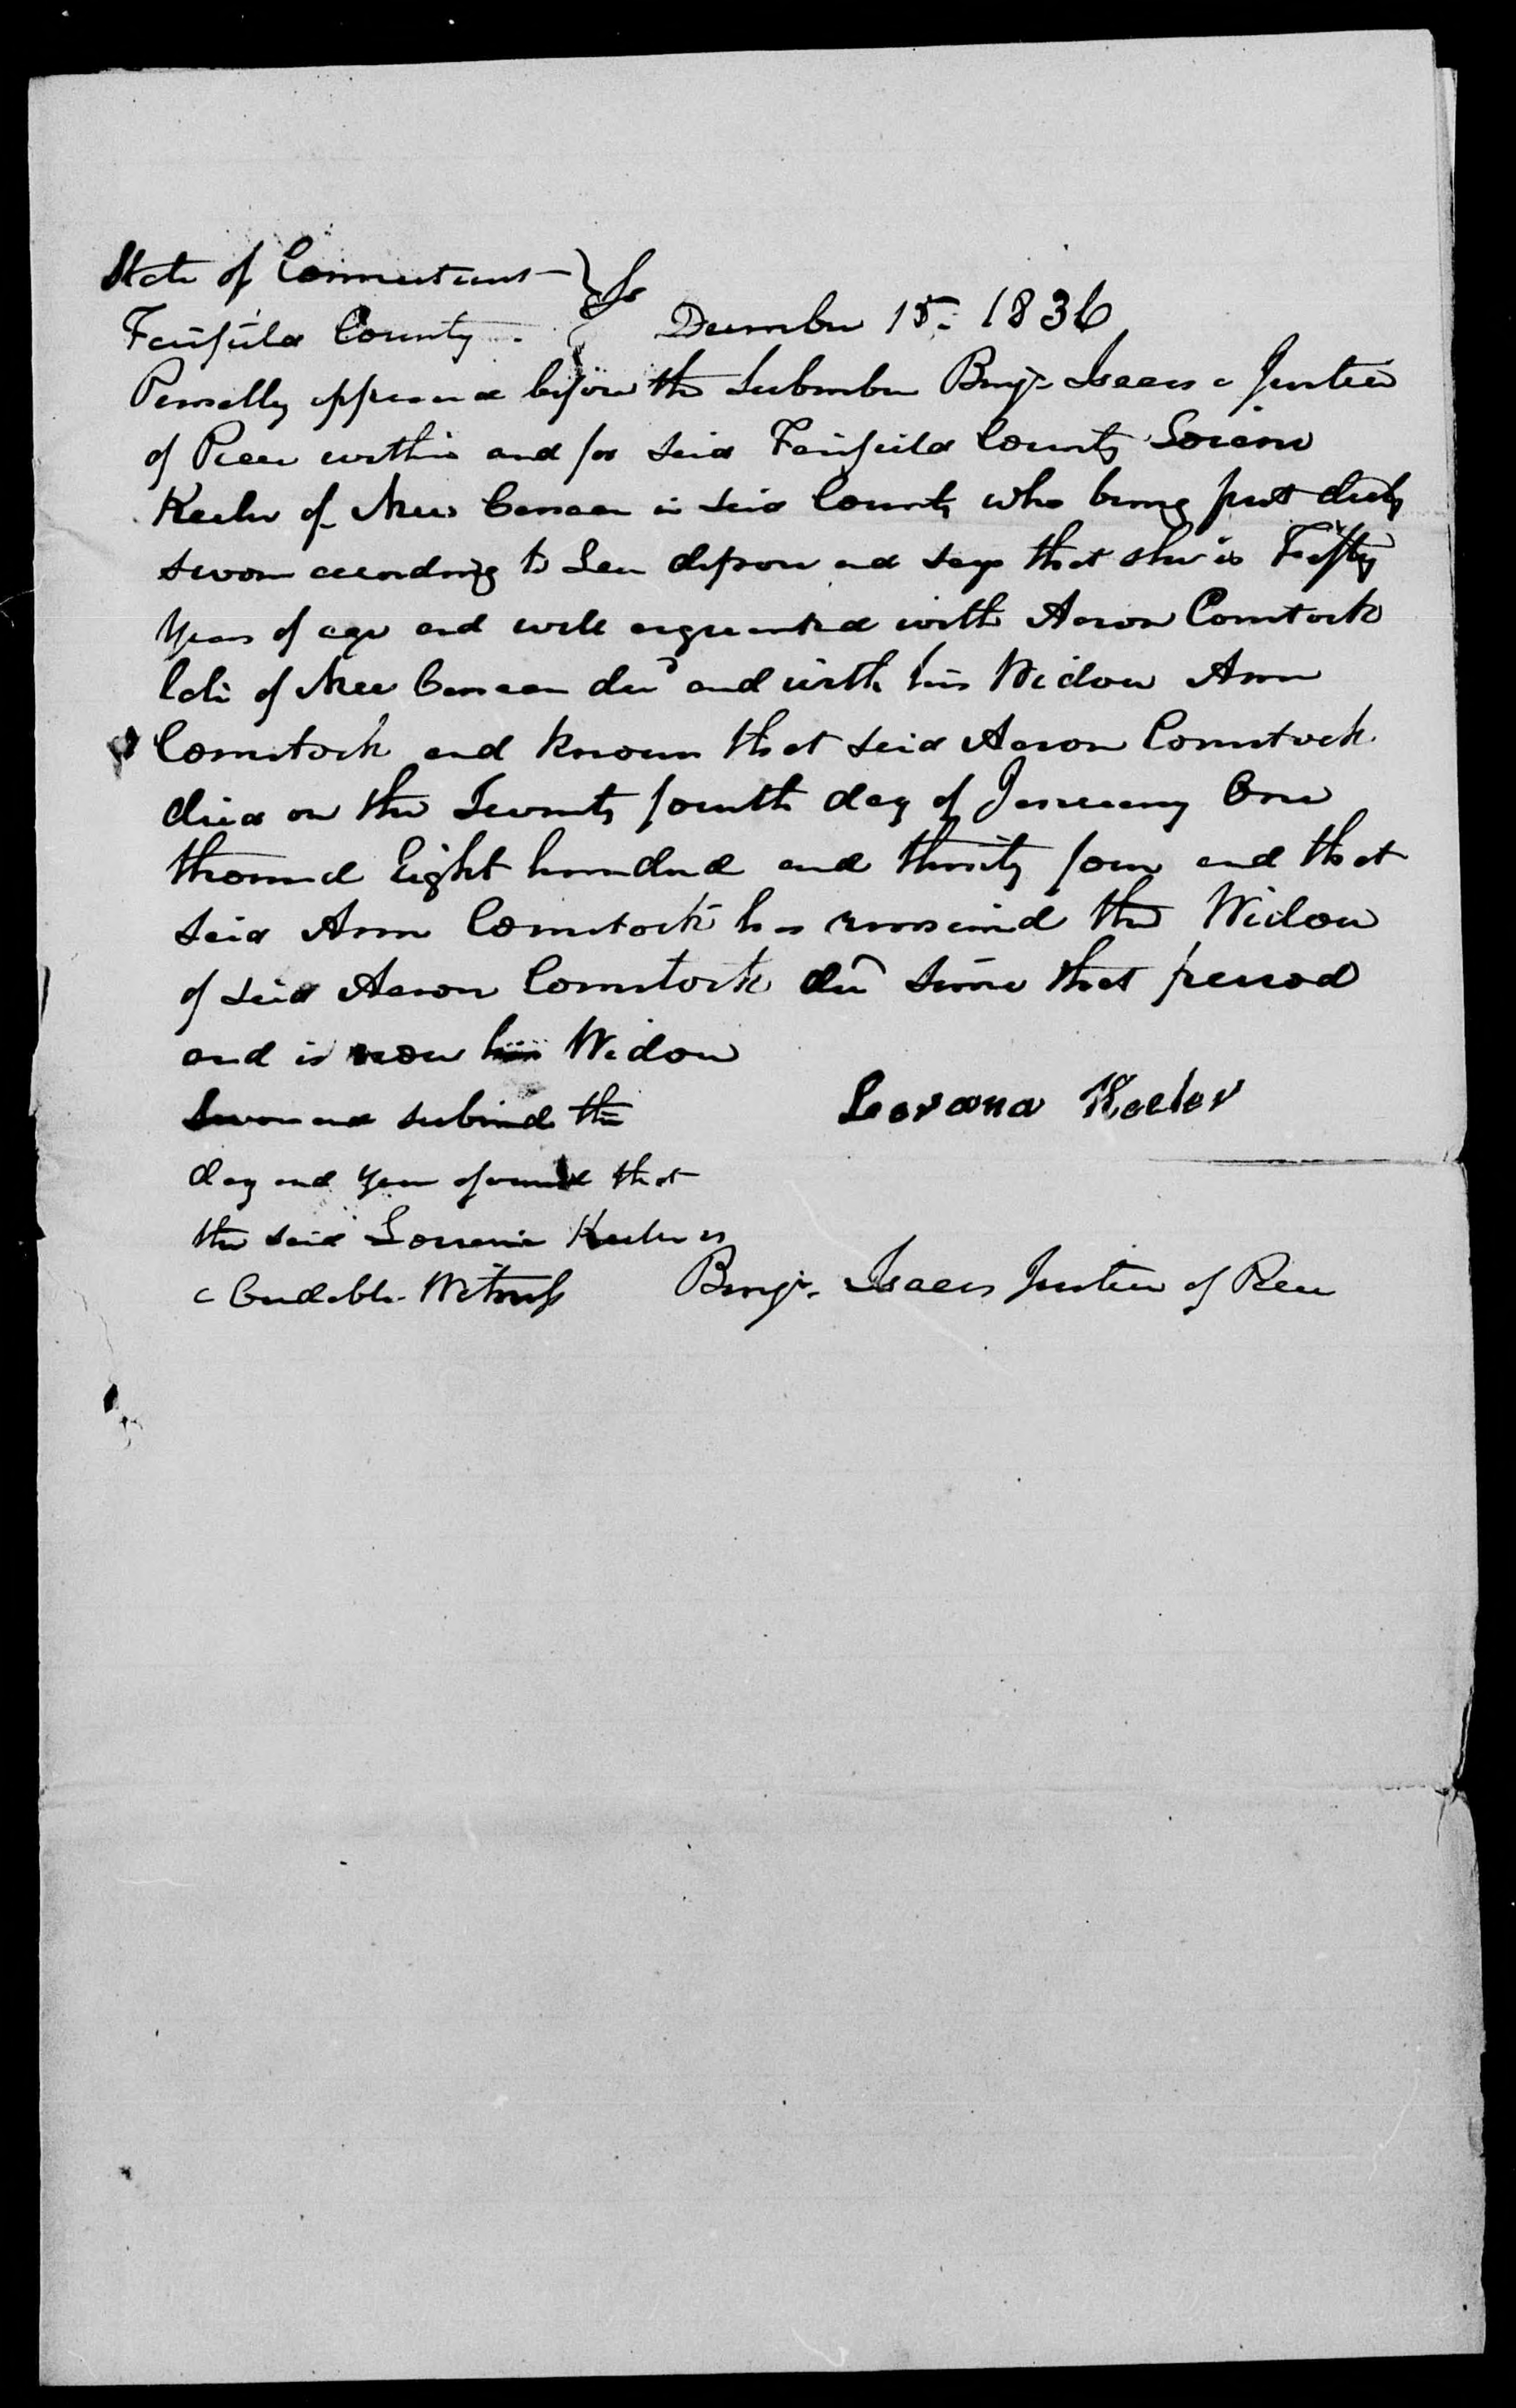State of Connecticut
Fairfield County Ss December 15. 1836
Personally appeared before the Subscriber Benjn Isaacs a Justice of Peace within and for said Fairfield County Lovana Heeler of New Canaan in said County who being first duly sworn according to Law deposes and says that she is Fifty years of age and well acquainted with Aaron Comstock late of New Canaan decd and with his Widow Ann Comstock and knows that said Aaron Comstock died on the Twenty fourth day of January One thousand Eight hundred and thirty four and that said Ann Comstock has remained the Widow of said Aaron Comstock decd since that period and is now his Widow
Lovana Heeler
Sworn and subscribed the
day and year aforesaid that
the said Lovana Heeler is
a Credible Witness Benjn Isaacs Justice of Peace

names: Benjn Isaacs, Ann Comstock, Benjn Isaacs, Aaron Comstock, Ann Comstock, Aaron Constock, Aaron Comstock, Lovana Heeler, Lovana Heeler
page: 40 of 43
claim: widow's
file: W. 17,647, Aaron Comstock, Conn.